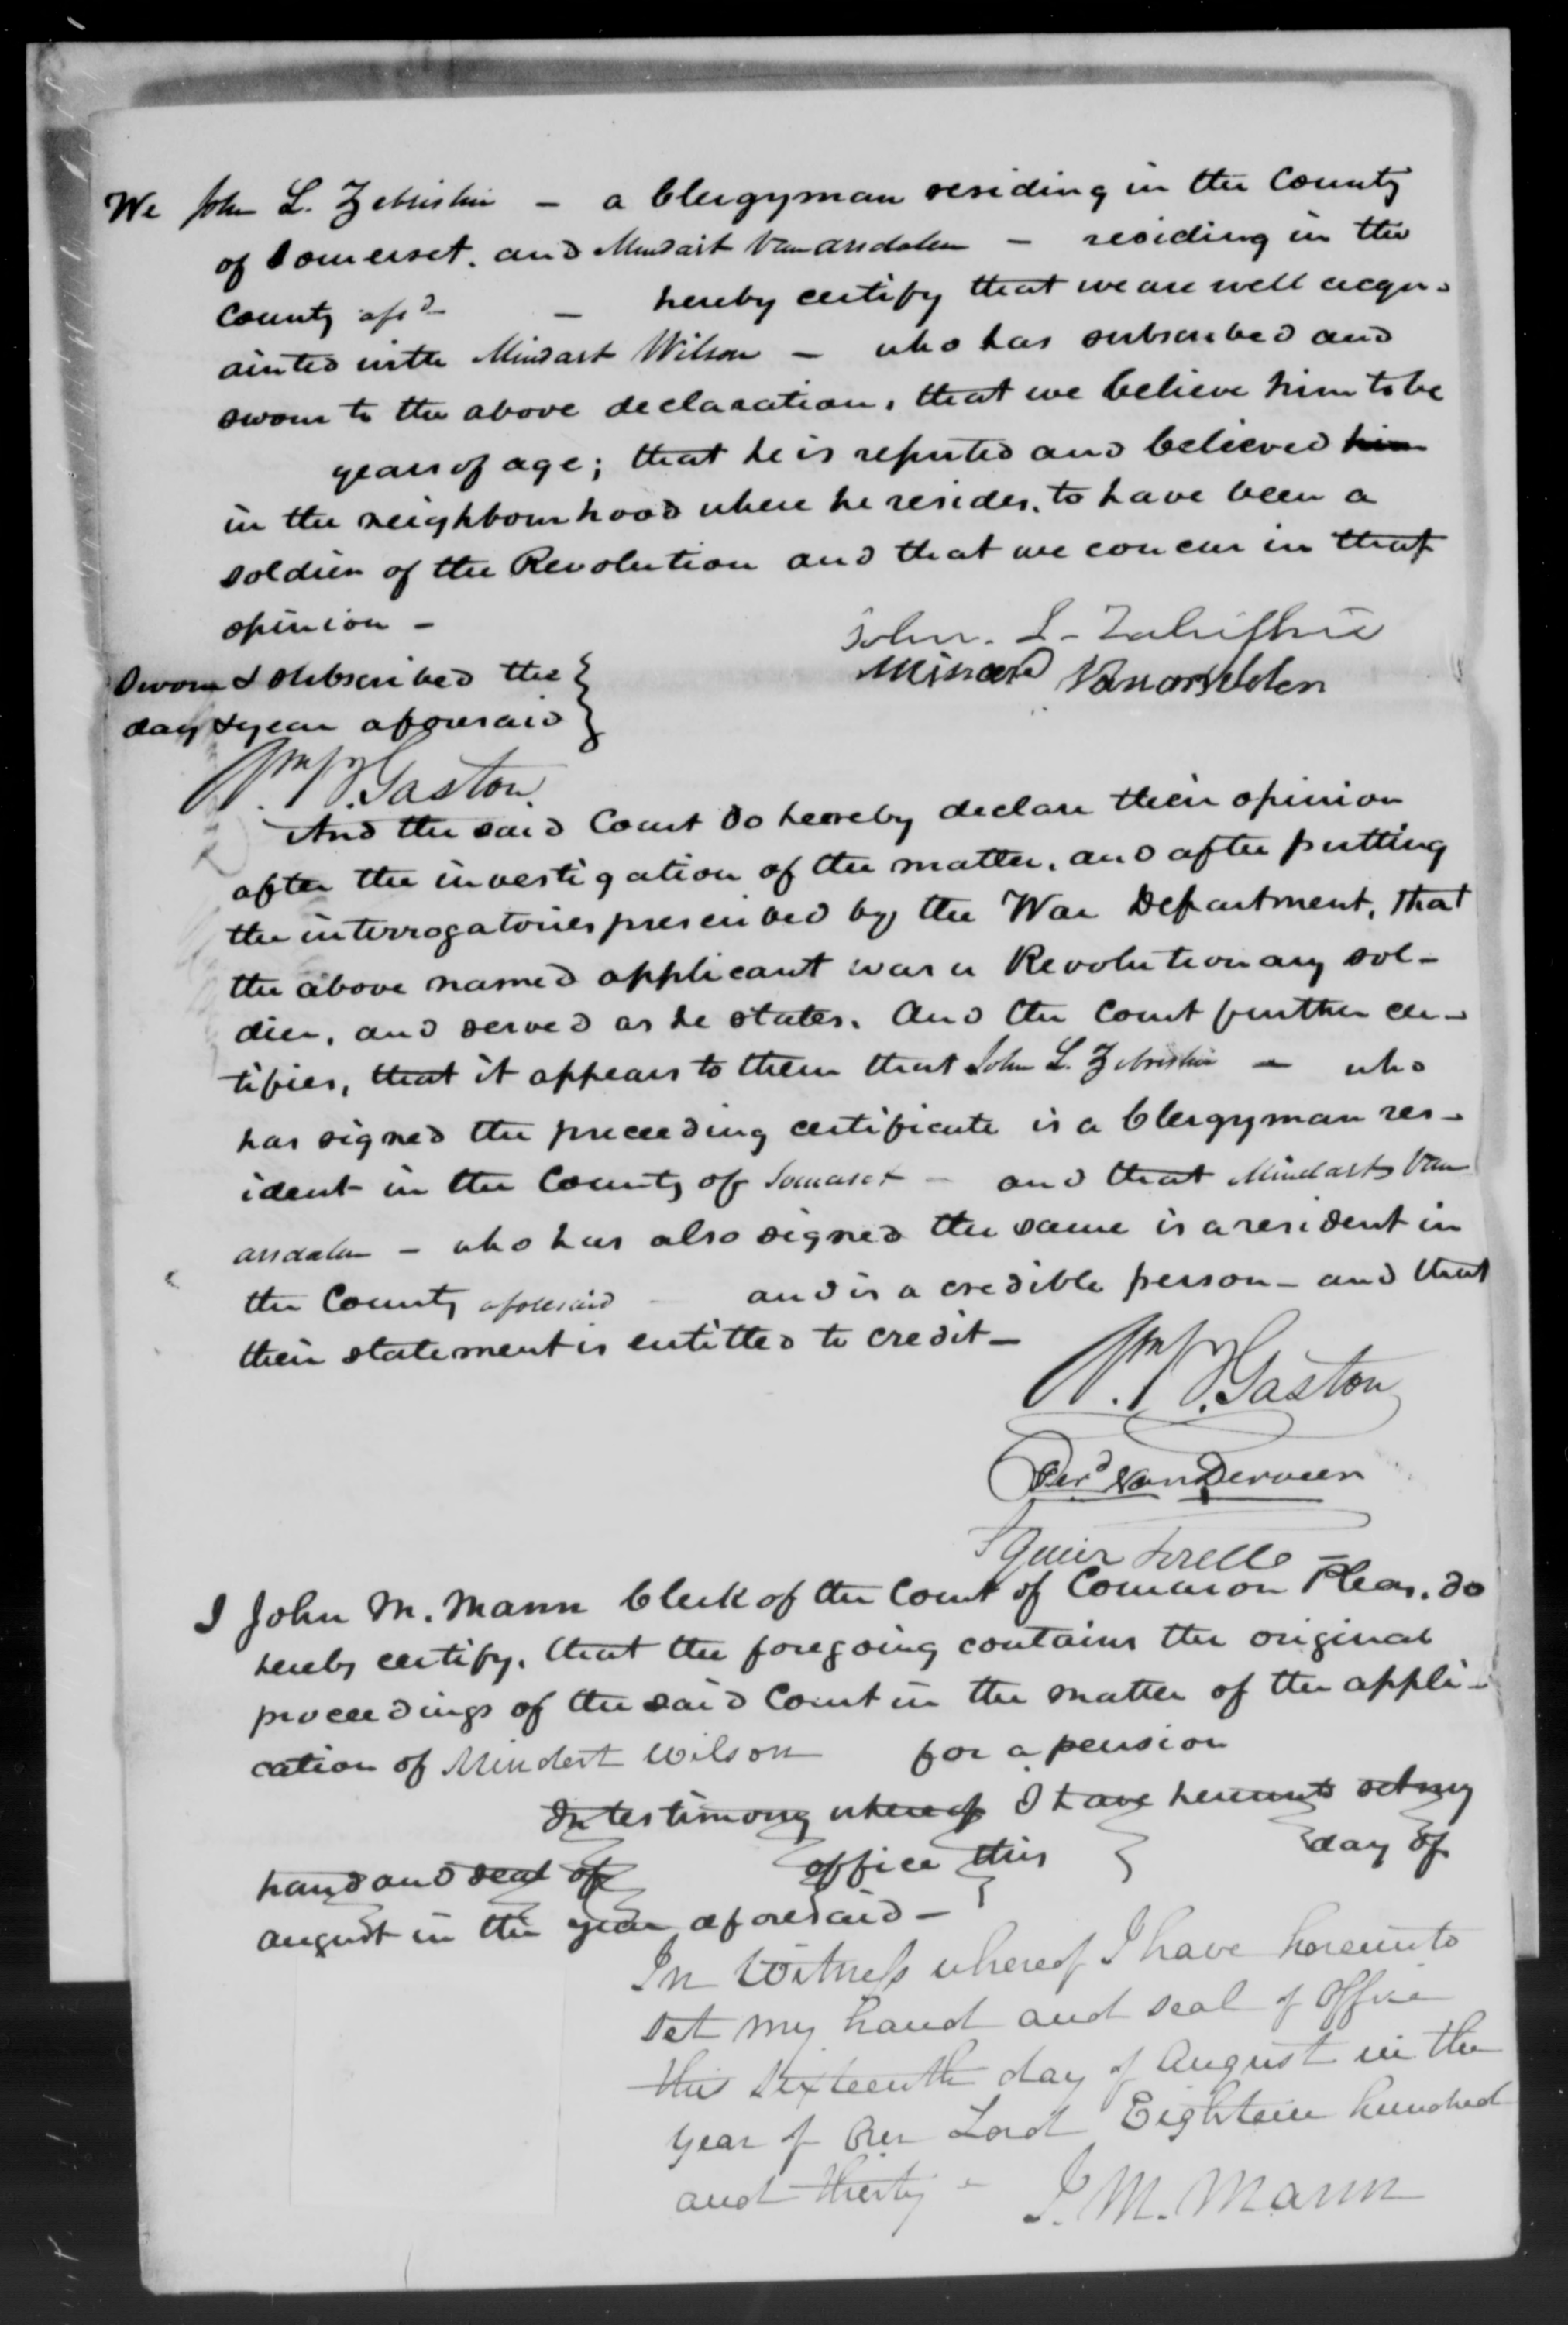We John L. Zebriskie, a Clergyman residing in the County of Somerset, and Mindart Van Arsdalen, residing in the County afs'd, hereby certify that we are well acquainted with Minart Wilson who has subscribed and sworn to the above declaration, that we believe him to be [blank] years of age; that he is reputed and believed in the neighbourhood where he resides to have been a soldier of the Revolution and that we concur in that opinion.

[signed] John L. Zabriskie
[signed] Minard Vanarsdalen

Sworn & subscribed the day & year aforesaid
Wm. B. Gaston

And the said Court do hereby declare their opinion
after the investigation of the matter, and after putting the interrogatories prescribed by the War Department, that the above named applicant was a Revolutionary soldier, and served as he states. And the Court further certifies, that it appears to them that John L. Zabriskie who has signed the preceeding certificate is a Clergyman resident in the County of Somerset and that Mindard Van Arsdalen who has also signed the same is a resident in the County aforesaid and is a credible person, and that
their statement is entitled to credit.

Wm. B. Gaston
Rev'd Vanderveer
Squier Firelle

I John M. Mann Clerk of the Court of Common Pleas, do hereby certify, that the foregoing contains the original proceedings of the said Court in the matter of the application of Mindert Wilson for a pension

The following crossed out: "In testimony whereof I have hereunto set my hand and seal of office this day of August in the year aforesaid."]

In Witness whereof I have hereunto set my hand and seal of Office this sixteenth day of August in the year of Our Lord Eighteen hundred and thirty.

J. M. Mann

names: Mindart Van Arsdalen, Mindart Wilson, Ferd Van Derveer, John L Zebriskie, John M Mann, Squier Torell, Wm B Gaston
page: 8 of 40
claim: survivor's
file: S. 3564, Mindart Wilson, New Jersey